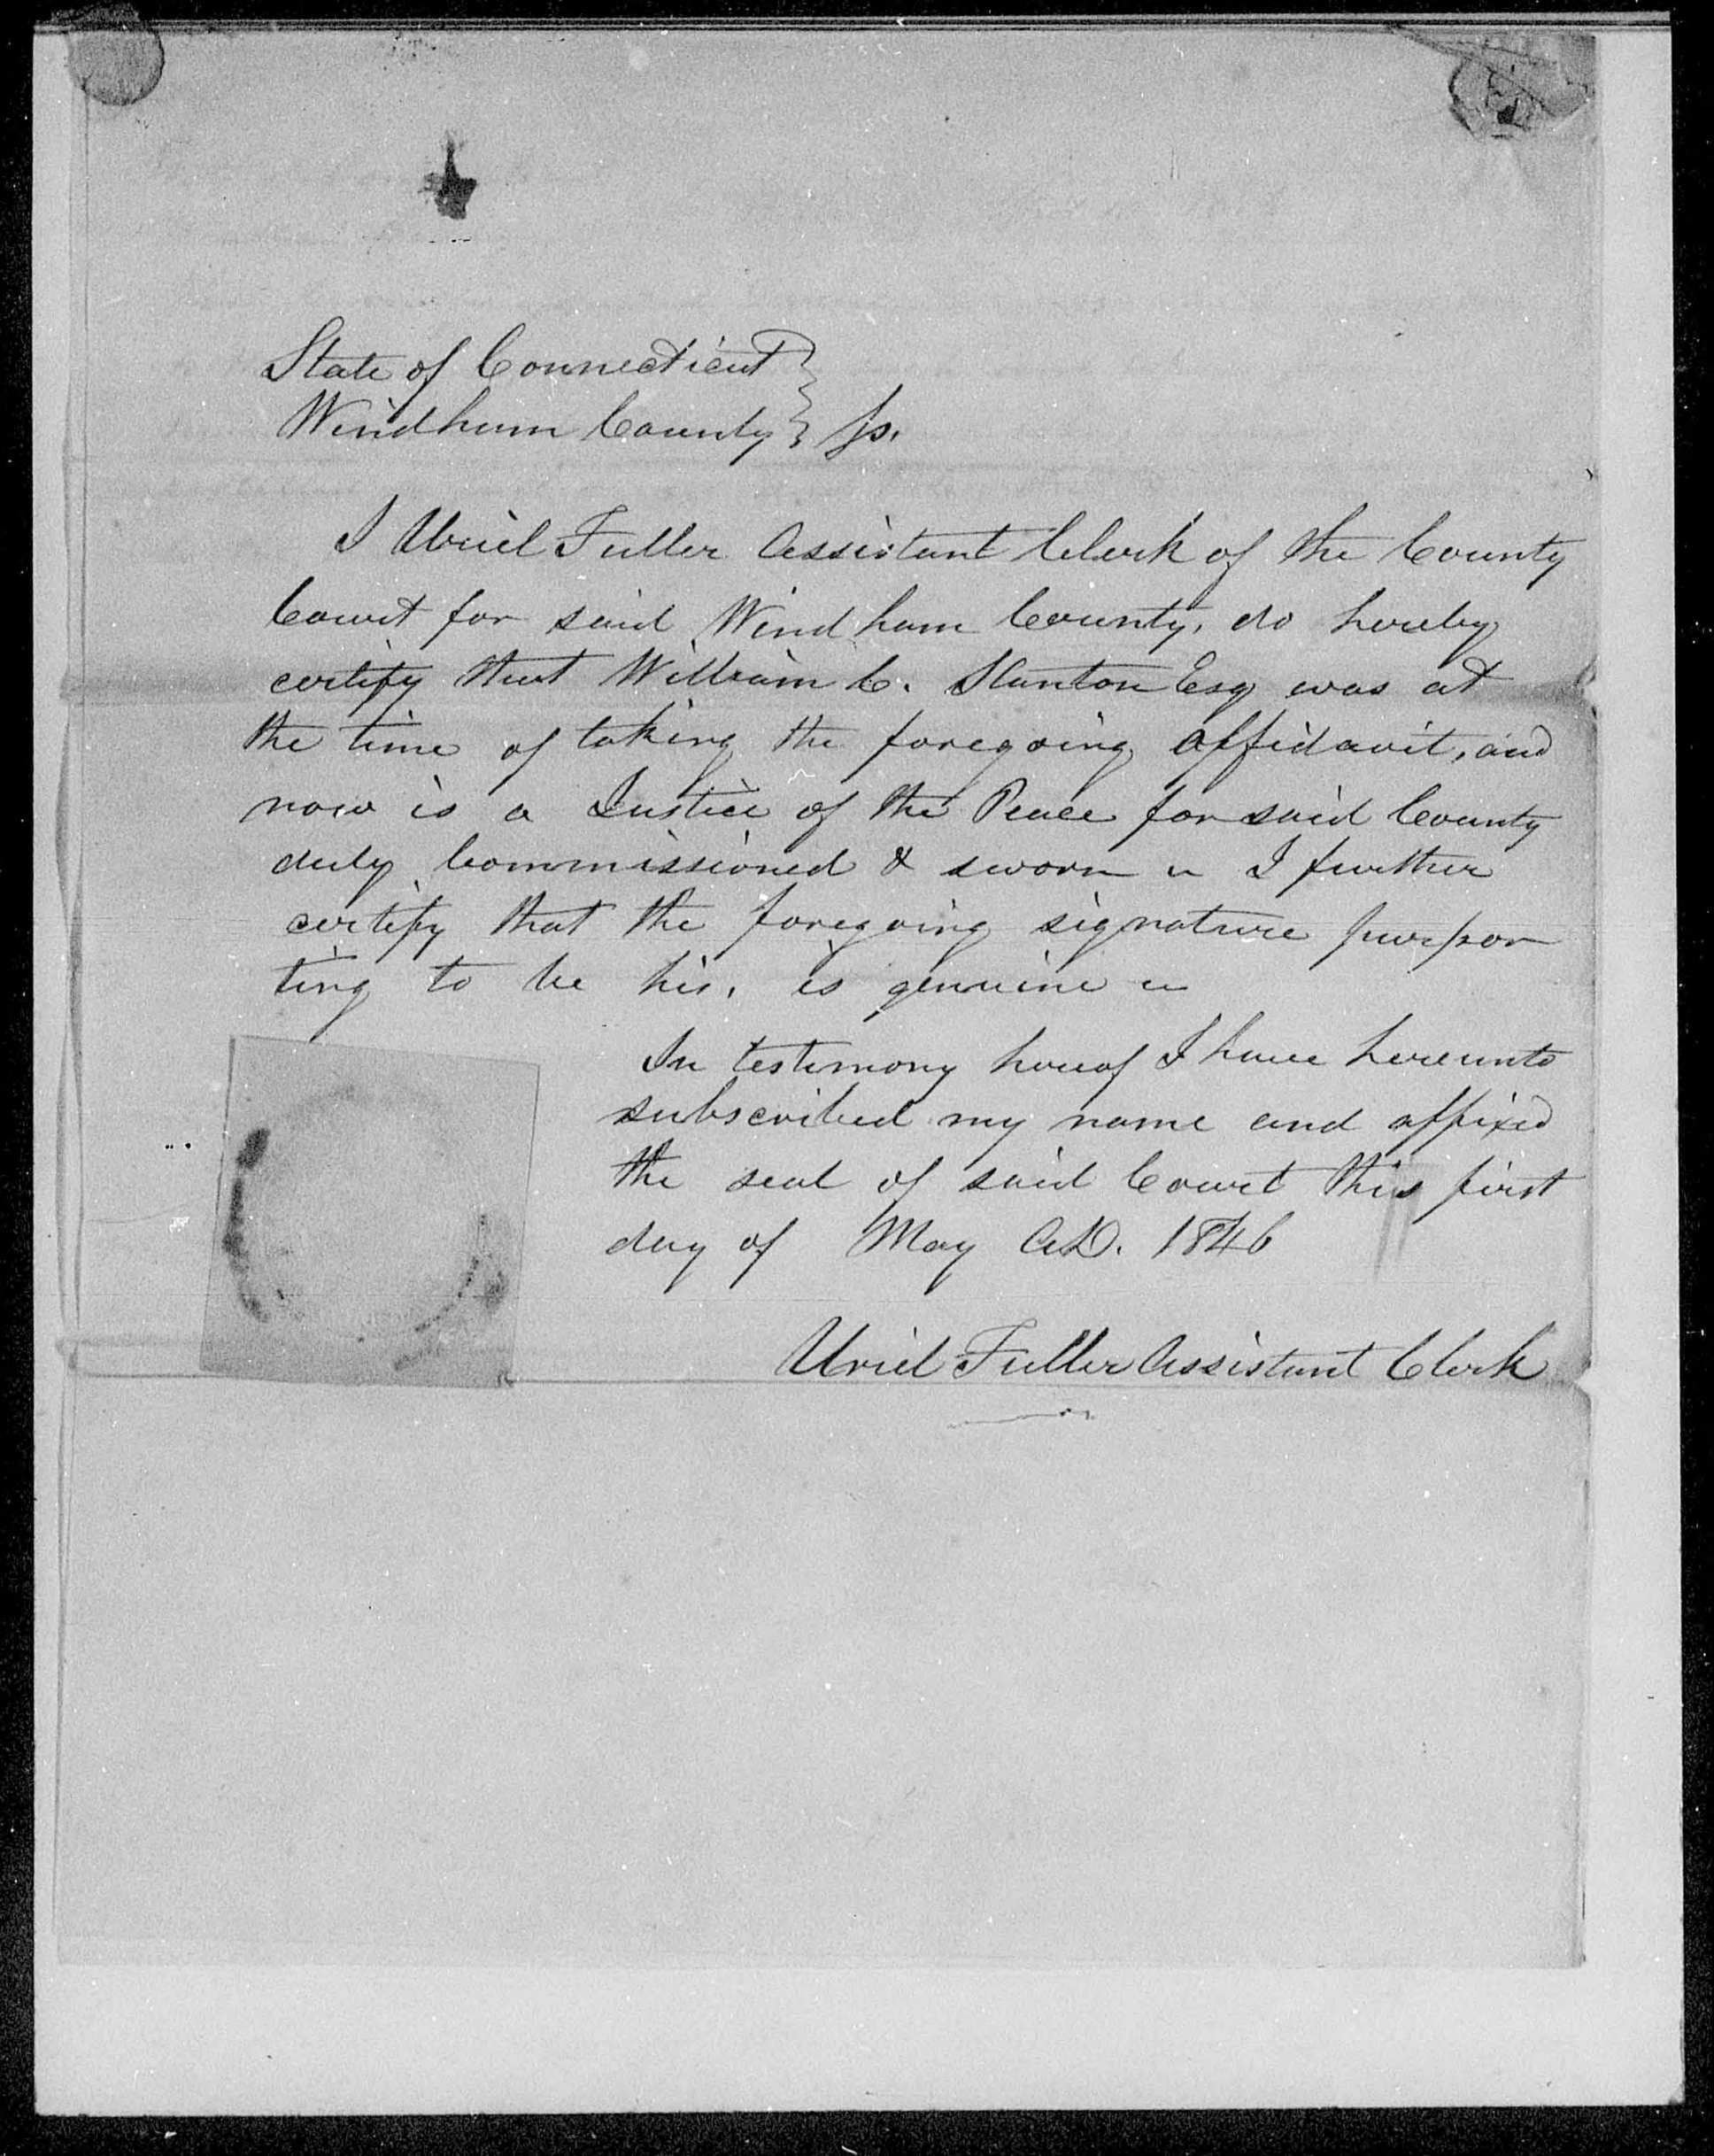State of Connecticut
Windham County}  ss
I Uriel Fuller Assistant Clerk of the County
Court for said Windham County, do hereby
certify that William C. Stanton Esq was at
the time of taking the foregoing affidavit, and
now is a Justice of the Peace for said County
duly Commissioned & sworn & I further
certify that the foregoing signature purporting to be his, is genuine.
[seal] In testimony hereof I have hereunto
subscribed my name and affixed
the seal of said Court his first
day of May A.D. 1846
Uriel Fuller Assistant Clerk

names: Uriel Fuller, William C Stanton, Uriel Fuller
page: 61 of 61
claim: survivor's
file: S. 22798, Paul Griffiths, R.I.